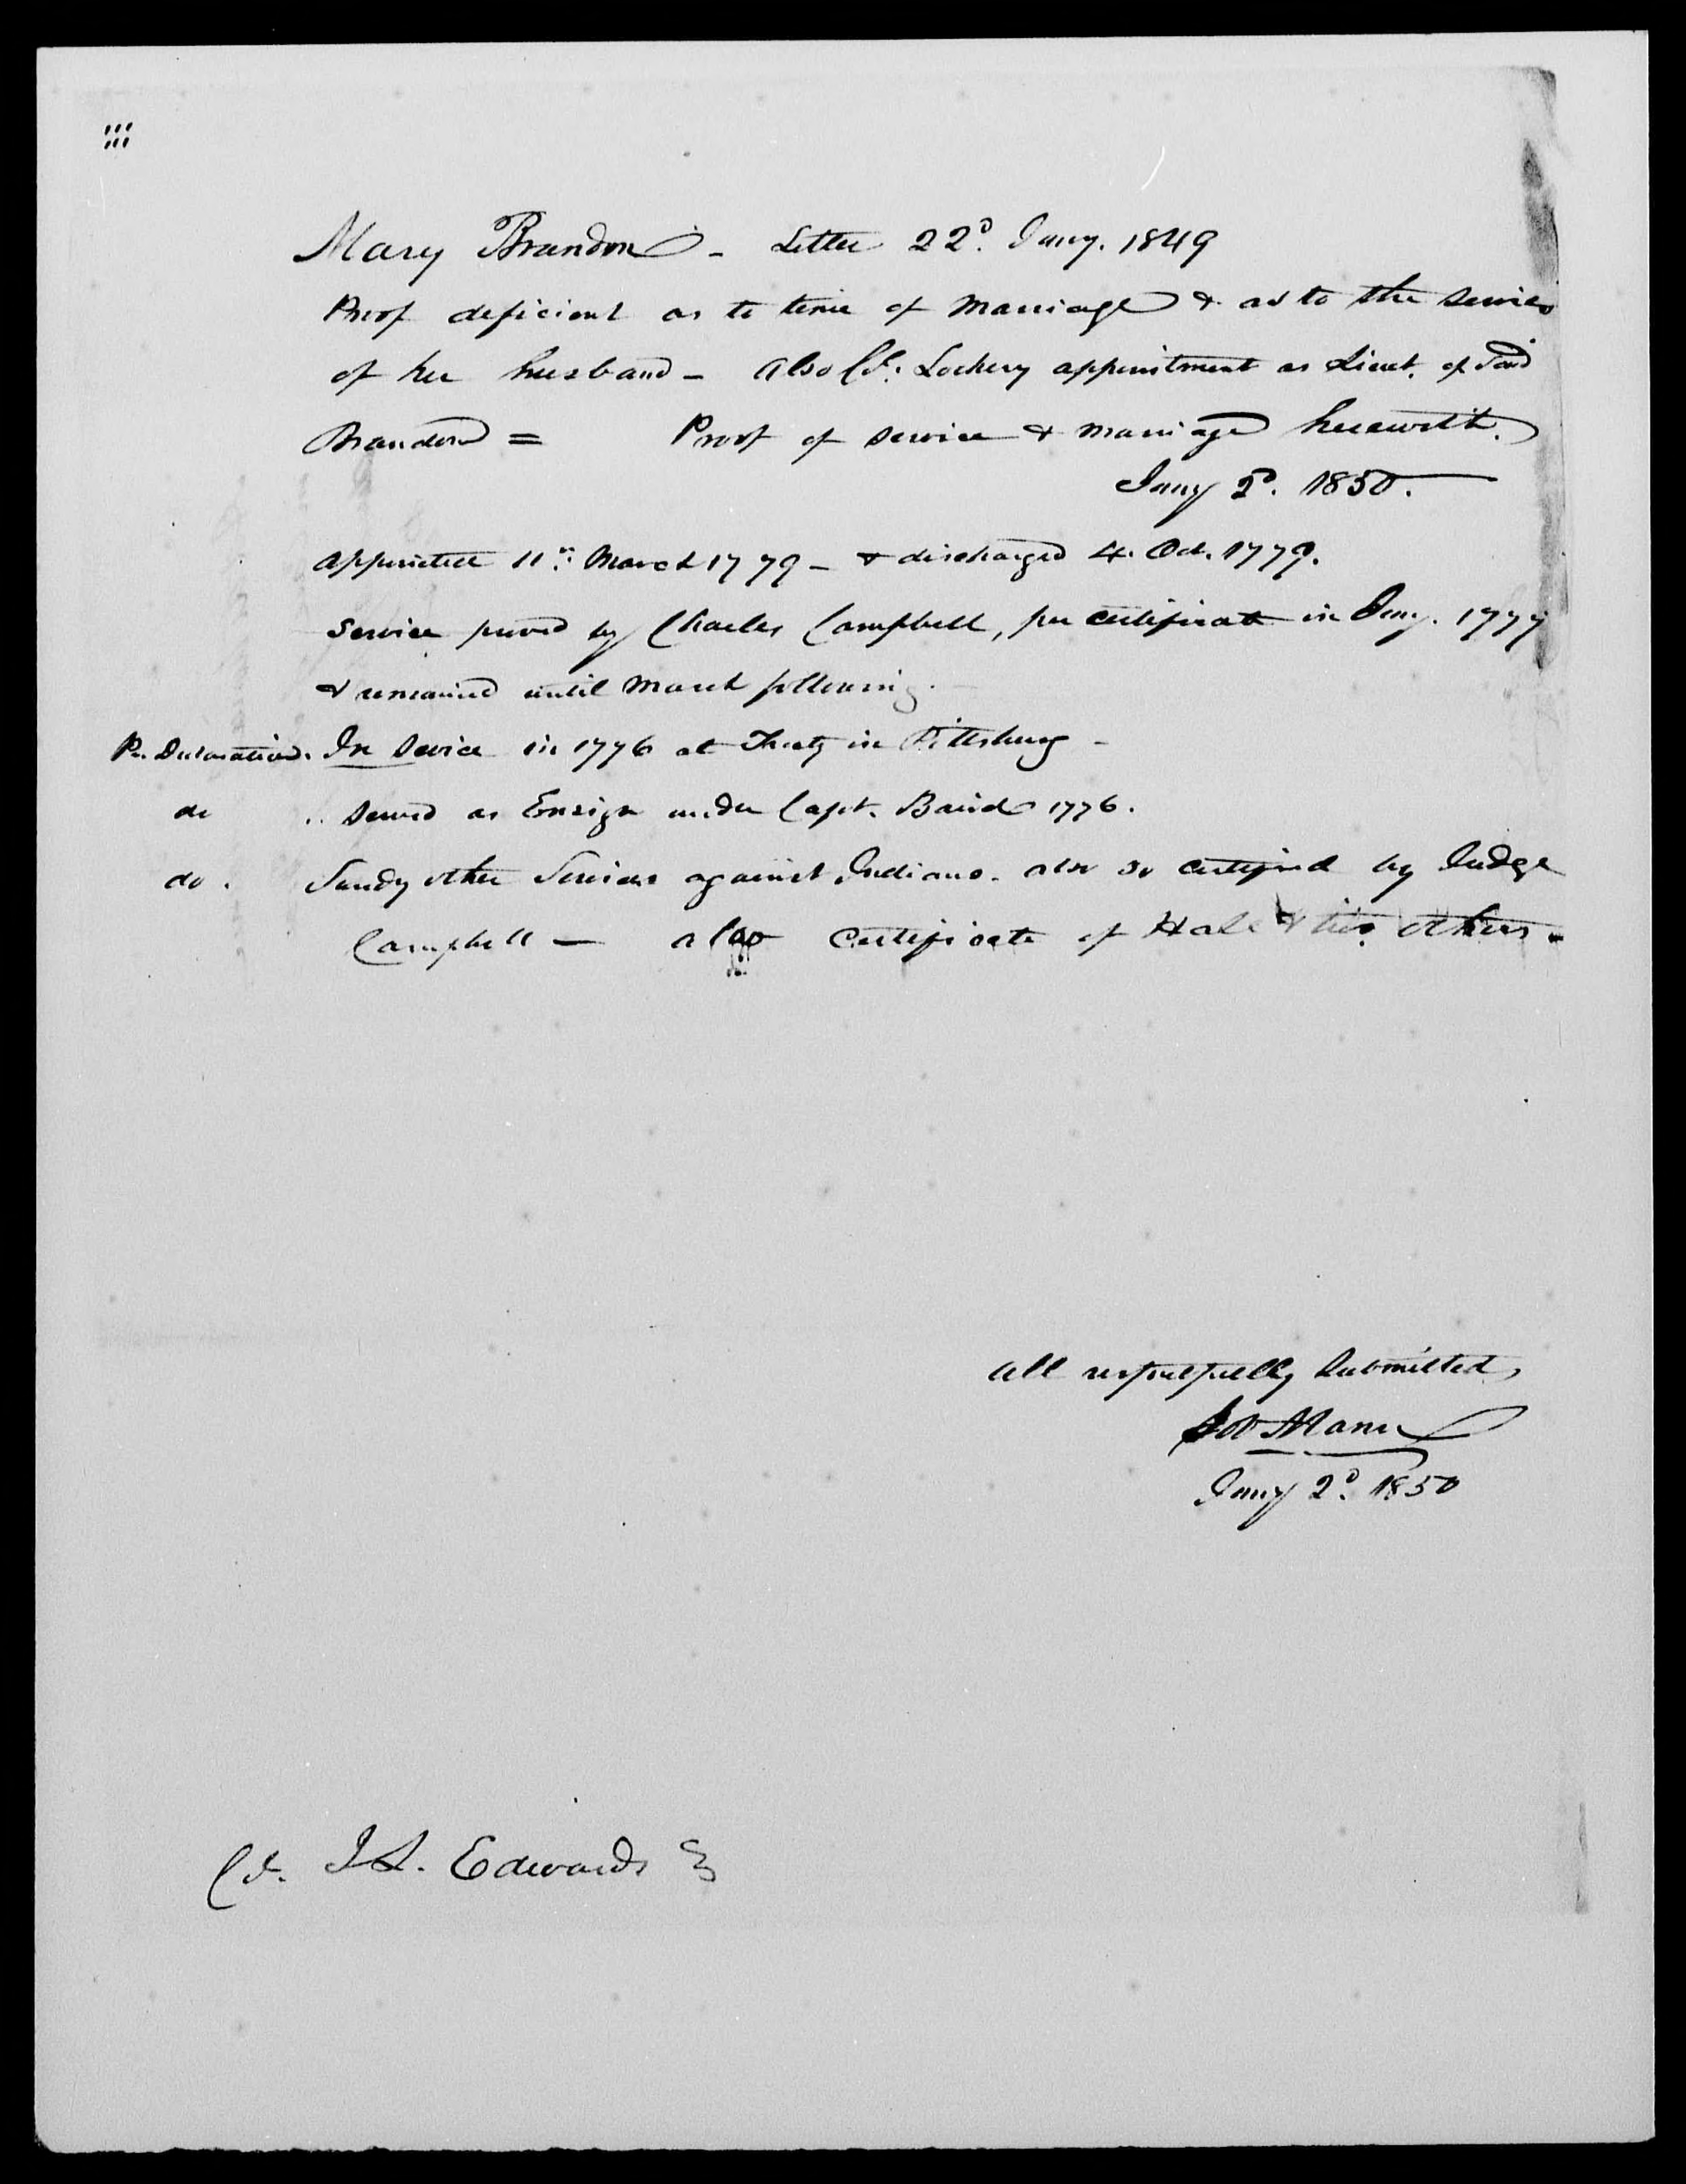Mary Brandon - Letter 22d. Jany. 1849
Proof deficient as to time of Marriage & as to the services of her husband- Also Cl. Lockery appointment as Lieut. of said Brandon = Proof of service & marriage herewith.
Jany 2d. 1830.
appointed 11 March 1779- & discharged 4, Oct, 1779.
Service proved by Charles Campbell, per certificate in Jany. 1777 & remained until March following.
Per Declaration. In service in 1776 at Treaty in Pittsburgh - 
served as Ensign under Capt. Baird 1776.
Sundry other Services against Indians also so certified by Judge Campbell - also certificate of Hall & two others

all respectfully submitted
Job Mann
Jany 2d. 1850

Cl. JL. Edwards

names: Job Mann, Baird, Mary Brandon, Campbell, Brandon, Lockery, Hall, Charles Campbell, J L Edwards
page: 45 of 83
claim: widow's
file: W. 5946, John Brandon, Penn